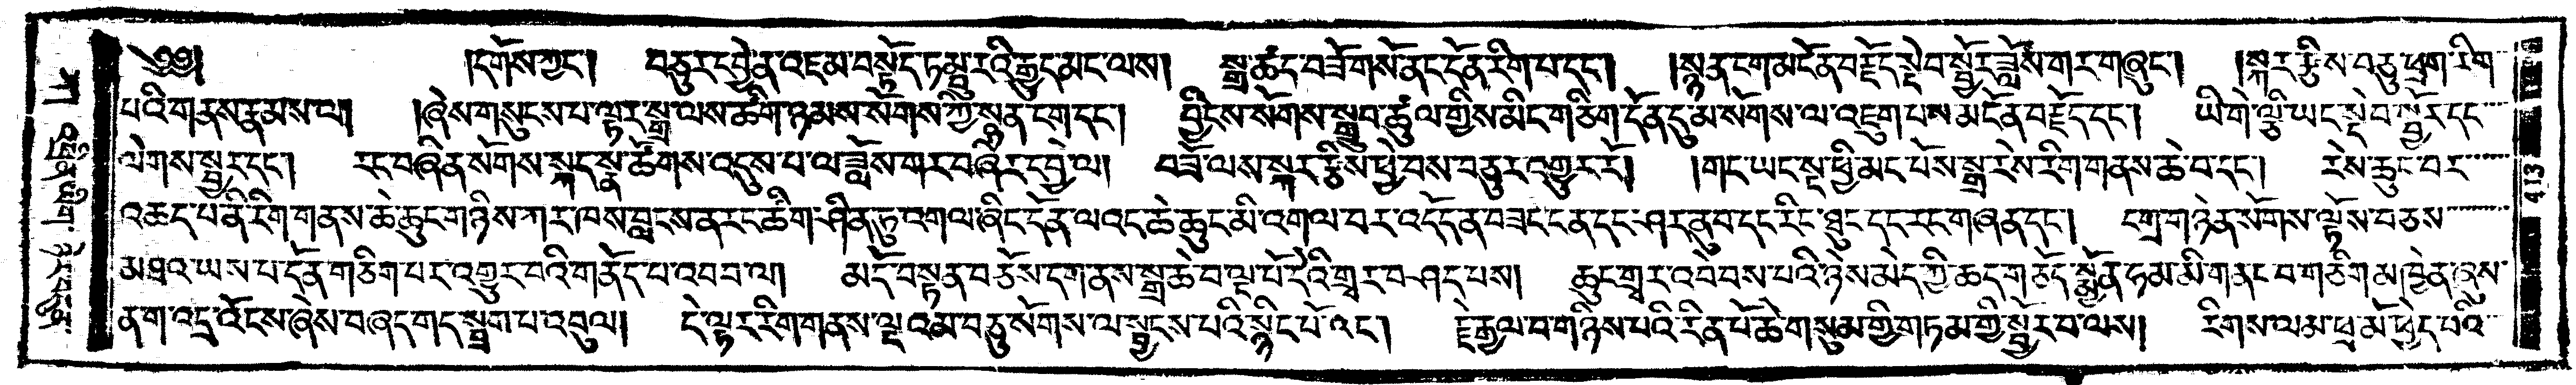༄༅། །དགོས་ཀྱང་། བཅུར་དབྱེ་ན་འཇམ་བསྟོད་ཏམྦུ་རའི་རྒྱུད་མང་ལས། སྒྲ་ཚད་བཟོ་གསོ་ནང་དོན་རིག་པ་དང་། སྙན་ངག་མངོན་བརྗོད་སྟེ་སྦྱོར་ཟློས་གར་གཞུང་། །སྐར་རྩིས་བཅུ་ཕྲག་རིག་
པའི་གནས་རྣམས་ལ། །ཞེས་གསུངས་པ་ལྟར་སྒྲ་ལས་ཚིག་ཉམས་སོགས་ཀྱི་སྙན་ངག་དང་། བྱིངས་སོགས་སྒྲུབ་ཚུལ་གྱིས་མིང་གཅིག་དོན་དུ་མ་སོགས་ལ་འཇུག་པས་མངོན་བརྗོད་དང་། ཡི་གེ་ལྕི་ཡང་སྡེབ་སྦྱོར་དང་
ལེགས་སྦྱར་དང་། རང་བཞིན་སོགས་སྐད་སྣ་ཚོགས་འདུས་པ་ལ་ཟློས་གར་བཞིར་དབྱེ་ལ། བཟོ་ལས་སྐར་རྩིས་ཕྱེ་བས་བཅུར་འགྱུར་རོ། །གང་ཡང་སྔ་ཕྱི་མང་པོས་སྒྲ་རེས་རིག་གནས་ཆེ་བ་དང་། རེས་ཆུང་བར་
འཆད་པ་ནི་རིག་གནས་ཆེ་ཆུང་གཉིས་ཀར་ཁས་བླངས་ན་རང་ཚིག་ཤིན་ཏུ་འགལ་ཞིང་དོན་ལའང་ཆེ་ཆུང་མི་འགལ་བར་འདོད་ན་བཟང་ངན་དང་ཤར་ནུབ་དང་རིང་ཐུང་དང་རང་གཞན་དང་། དགྲ་གཉེན་སོགས་ལྟོས་བཅས་
མཐའ་ཡས་པ་དོན་གཅིག་པར་འགྱུར་བའི་གནོད་པ་འབབ་ལ། མདོ་བསྟན་བཅོས་དག་ནས་སྒྲ་ཆེ་བ་ལྔ་པོ་དེའི་གྲྭར་བཤད་པས། ཆུང་གྲྭར་འབེབས་པའི་ཉེས་མེད་ཀྱི་ཆད་གཅོད་སྨྱོན་ཧམ་མི་གནང་བ་གཅིག་མཁྱེན་ཞུས་
ནག་འདྲ་འོངས་ཞེས་བཞད་གད་སྦྲག་པ་འབུལ། དེ་ལྟར་རིག་གནས་ལྔའམ་བཅུ་སོགས་ལ་སྦྱངས་པའི་སྙིང་པོ་འང་། རྗེ་རྒྱལ་བ་གཉིས་པའི་རིན་པོ་ཆེ་གསུམ་གྱི་གཏམ་གྱི་སྦྱོར་བ་ལས། རིགས་ལམ་ཕྲ་མོ་ཕྱེད་པའི་